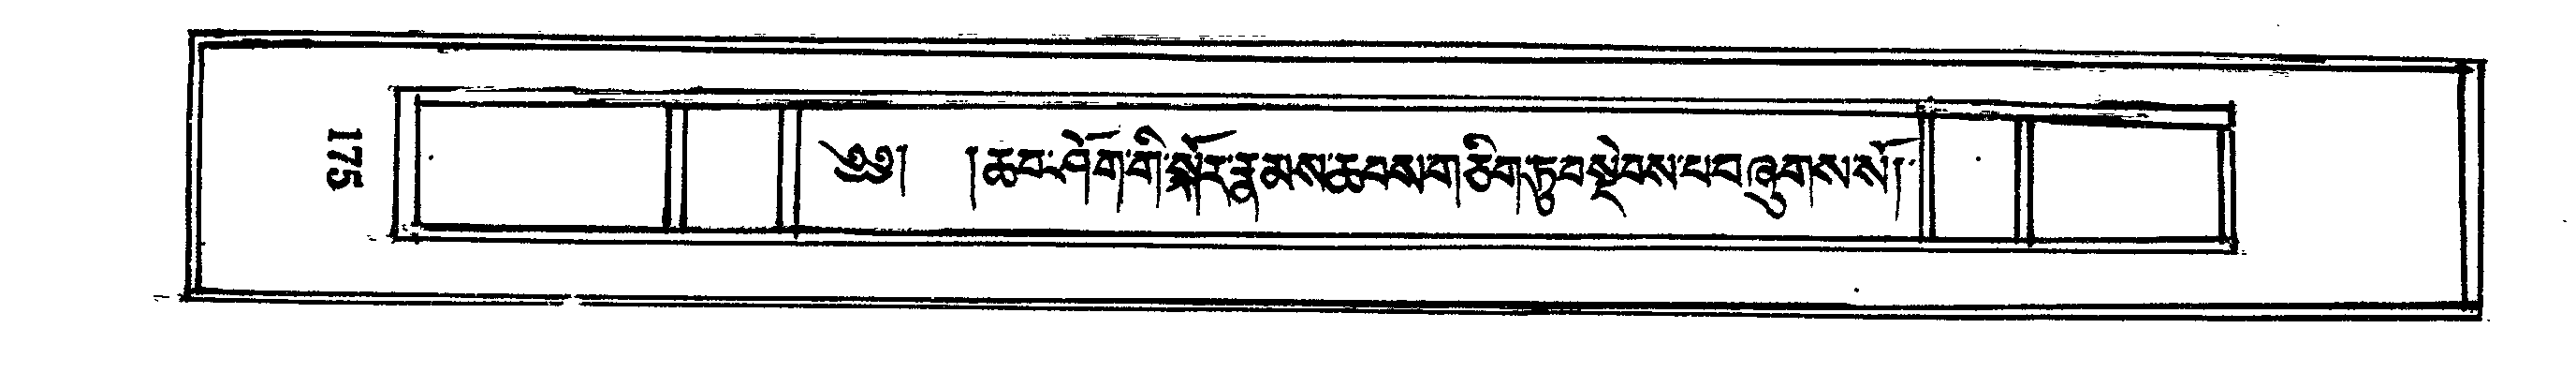༄༅། །ཆབ་ཤོག་གི་སྐོར་རྣམས་ཆབས་གཅིག་ཏུ་བསྡེབས་པ་བཞུགས་སོ། །